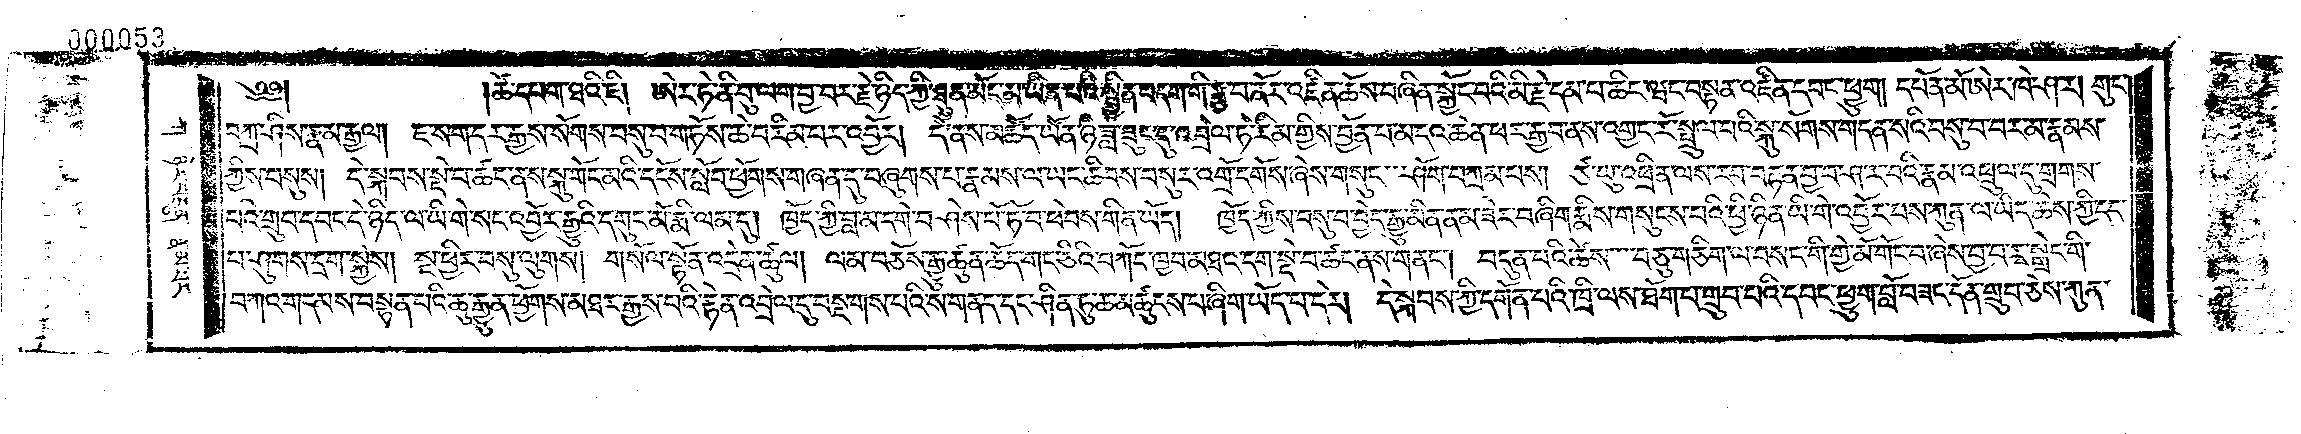༄༅། །ཚེ་དཔག་ཐའི་ཇི། ཨེར་ཏེ་ནི་བུ་ལག་བྱ་བར་རྗེ་ཉིད་ཀྱི་ཐུན་མོང་མ་ཡིན་པའི་སྦྱིན་བདག་གི་རྩ་བ་ནོར་འཛིན་ཆོས་བཞིན་སྐྱོང་བའི་མི་རྗེ་དམ་པ་ཆིང་ཝང་བསྟན་འཛིན་དབང་ཕྱུག། དཔོན་མོ་ཨེར་ཁེ་ཤར། གུང་
བཀྲ་ཤིས་རྣམ་རྒྱལ། ཇ་སག་དར་རྒྱས་སོགས་བསུ་བ་གཏོས་ཆེ་བ་རིམ་པར་འབྱོར། དེ་ནས་མཆོད་ཡོན་ཉི་ཟླ་ཟུང་དུ་འབྲེལ་ཏེ་རིམ་གྱིས་བྱོན་པ་མདའ་ཆེན་ཕར་རྒྱབ་ནས་འགྱང་རོ་སྤྲུལ་པའི་སྐུ་སོགས་གདན་སའི་བསུ་བ་བར་མ་རྣམས་
ཀྱིས་བསུས། དེ་སྐབས་སྡེ་བ་ཚང་ནས་སྐུ་གོང་མའི་དངོས་སློབ་ཕྱོགས་གཞན་དུ་བཞུགས་པ་རྣམས་ལ་ཡང་ཆིབས་བསུར་འགྲོ་དགོས་ཞེས་གསུང་ཤོག་བཀྲམ་པས། ཙ་ཡུ་འཕྲིན་ལས་རབ་བརྟན་བྱ་བ་ཤ་ར་བའི་རྣམ་འཕྲུལ་དུ་གྲགས་
པའི་གྲུབ་དབང་དེ་ཉིད་ལ་ཡི་གེ་སང་འབྱོར་རྒྱུའི་དགུང་མོ་རྨི་ལམ་དུ། ཁྱོད་ཀྱི་བླ་མ་དགེ་བཤེས་པོ་ཏོ་བ་ཕེབས་གིན་ཡོད། ཁྱོད་ཀྱིས་བསུ་བ་བྱེད་རྒྱུ་མིན་ནམ་ཟེར་བཞིག་རྨིས་གསུངས་པའི་ཕྱི་ཉིན་ཡི་གེ་འབྱོར་བས་ཀུན་ལ་ཡིད་ཆེས་ཀྱི་དང་
པ་ཤུགས་དྲག་སྐྱེས། སྔ་ཕྱིར་བསུ་ལུགས། གསོལ་སྟོན་འདྲེན་ཚུལ། ལམ་བཅོས་རྒྱུ་ཚུན་ཆོད་གང་ཅིའི་བཀོད་ཁྱབ་མཐའ་དག་སྡེ་བ་ཚང་ནས་གནང་། བདུན་པའི་ཚེས་བཅུ་གཅིག་ལ་བསང་གི་གྱེ་མོ་གོང་བ་ཞེས་བྱ་བ་རྭ་སྒྲེང་གི་
བཀའ་གདམས་བསྟན་པའི་ཆུ་རྒྱུན་ཕྱོགས་མཐར་རྒྱས་པའི་རྟེན་འབྲེལ་དུ་བསྔགས་པའི་ས་གནད་དང་ཤིན་ཏུ་ཆ་མཚུངས་པ་ཞིག་ཡོད་པ་དེར། དེ་སྐབས་ཀྱི་དགོན་པའི་ཁྲི་ལས་ཐོག་པ་གྲུབ་པའི་དབང་ཕྱུག་བློ་བཟང་དོན་གྲུབ་ཅེས་ཀུན་